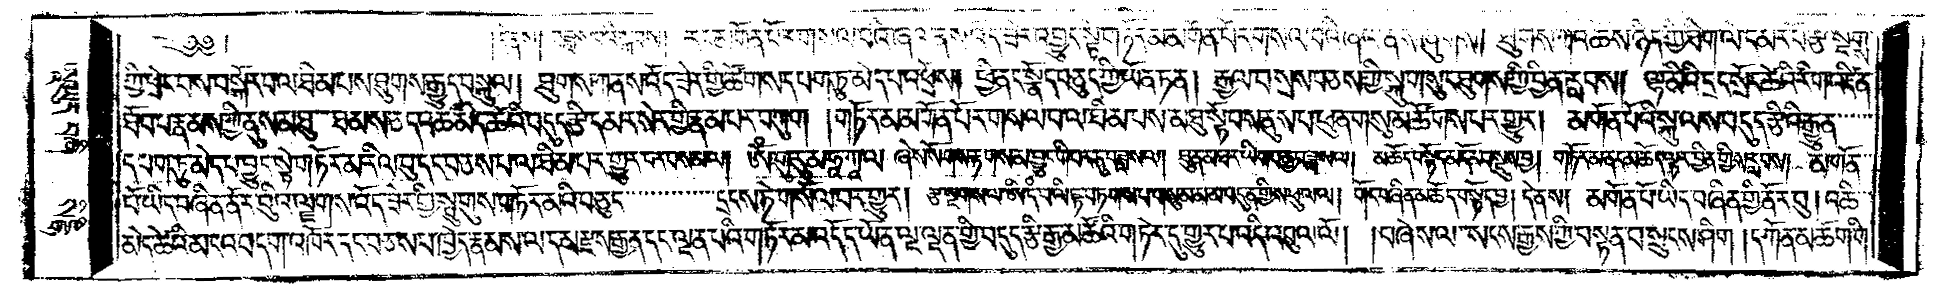༄༅། །དེ་ནས། བཟླས་པའི་སྐབས། རང་མགོན་པོར་གསལ་བའི་ཞལ་ནས་འོད་ཟེར་འབྱུང་སྟེ་གཏོར་མ་མགོན་པོར་གསལ་བའི་ཞལ་ནས་ཞུགས། ཐུགས་ཀའི་ཆོས་ཉིད་ཀྱི་ཐིག་ལེ་དམར་པོ་རྩ་སྔགས་
ཀྱི་ཕྲེང་བས་བསྐོར་བ་ལ་ཐིམ་པས་ཐུགས་རྒྱུད་བསྐུལ། ཐུགས་ཀ་ནས་འོད་ཟེར་གྱི་ཚོགས་དཔག་ཏུ་མེད་པ་འཕྲོས། ཕྱི་ནང་སྣོད་བཅུད་ཀྱི་ཡོན་ཏན། རྒྱལ་བ་སྲས་བཅས་ཀྱི་སྐུ་གསུང་ཐུགས་ཀྱི་བྱིན་རླབས། ལྷ་མིའི་དྲང་སྲོང་ཚེའི་རིག་འཛིན་
ཐོབ་པ་རྣམས་ཀྱི་ནུས་མཐུ་ཐམས་ཅད་འཆི་མེད་ཚེའི་བདུད་རྩི་དམར་སེར་གྱི་རྣམ་པར་བཀུག །གཏོར་མ་མགོན་པོར་གསལ་བ་ལ་ཐིམ་པས་མཐུ་སྟོབས་ནུས་པ་ཕུན་གསུམ་ཚོགས་པར་གྱུར། མགོན་པོའི་སྐུ་ལས་བདུད་རྩིའི་རྒྱུན་
དཔག་ཏུ་མེད་པ་བྱུང་སྟེ་གཏོར་མ་རིལ་བུ་དང་བཅས་པ་ལ་ཐིམ་པར་གྱུར་བར་བསམ་ལ།  ཨོཾ་གུ་རུ་མཧཱ་ཀཱ་ལ་ཞེས་སོགས་རྟགས་མ་བྱུང་གི་བར་དུ་བཟླས་ལ། ཐུན་མཐར་ཡིག་བརྒྱ་བཟླས་ལ། མཆོད་བསྟོད་མདོར་བསྡུས་བྱ། གཏོར་མ་ནང་མཆོད་ལྟར་བྱིན་གྱིས་རླབས།  མགོན་
པོ་ཡིད་བཞིན་ནོར་བུའི་ལྗགས་འོད་ཟེར་གྱི་སྤུ་གུས་གཏོར་མའི་བཅུད་དྲངས་ཏེ་གསོལ་བར་གྱུར། རྩ་སྔགས་ལ་ཨི་དཾ་བ་ལིངྟ་བཏགས་པ་གསུམ་མམ་བདུན་གྱིས་ཕུལ་ལ། གོང་བཞིན་མཆོད་བསྟོད་བྱ། དེ་ནས།  མགོན་པོ་ཡིད་བཞིན་གྱི་ནོར་བུ། འཆི་
མེད་ཚེའི་མངའ་བདག་འཁོར་དང་བཅས་པ་ཁྱེད་རྣམས་ལ་དམ་རྫས་རྒྱན་དང་ལྡན་པའི་གཏོར་མ་འདོད་ཡོན་ལྔ་ལྡན་གྱི་བདུད་རྩི་རྒྱ་མཚོའི་གཏེར་དུ་གྱུར་པ་འདི་འབུལ་ལོ། །བཞེས་ལ་སངས་རྒྱས་ཀྱི་བསྟན་པ་སྲུངས་ཤིག །དཀོན་མཆོག་གི་